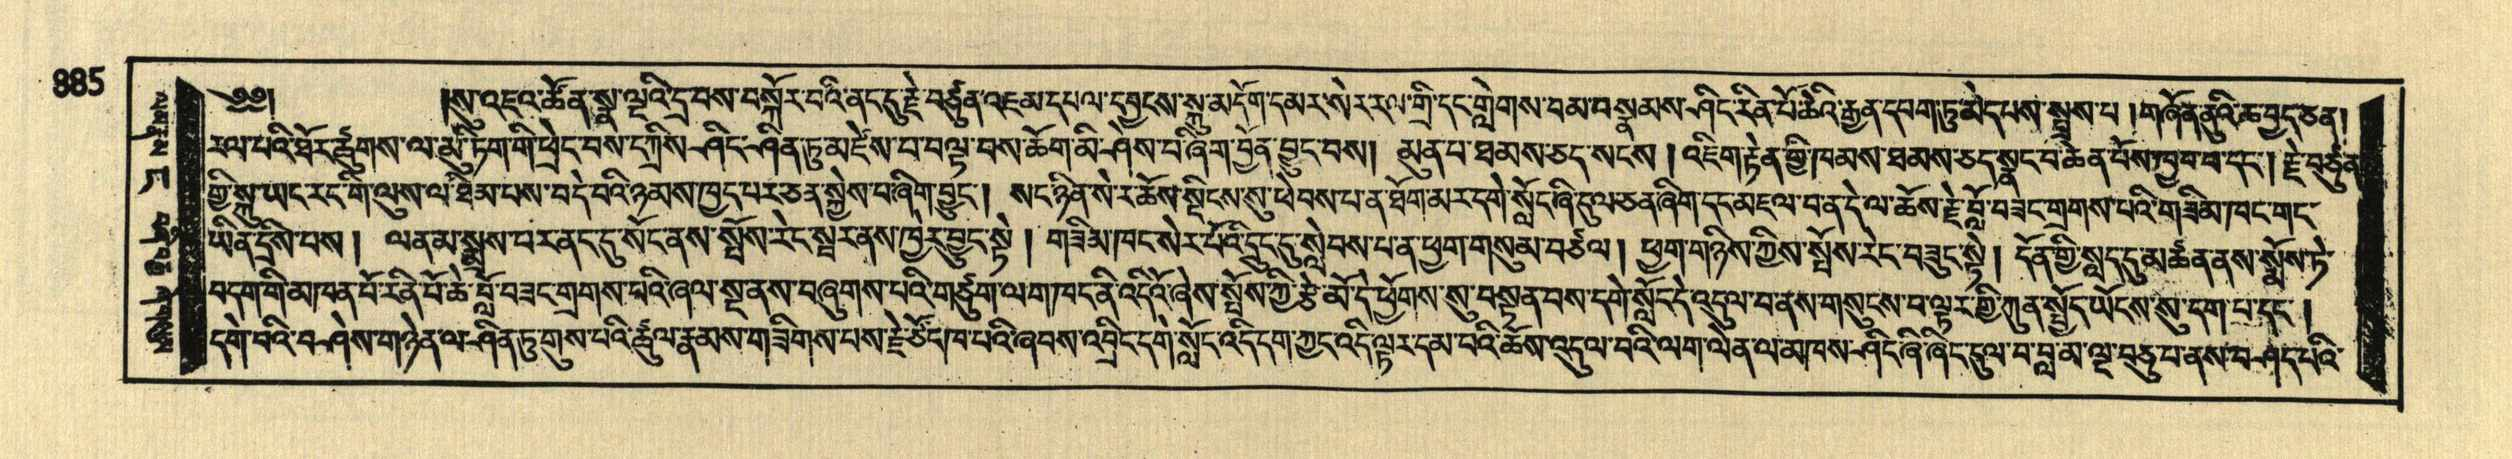༄༅། །སུ་འཇའ་ཚོན་སྣ་ལྔའི་དྲ་བས་བསྐོར་བའི་ནང་དུ་རྗེ་བཙུན་འཇམ་དཔལ་དབྱངས་སྐུ་མདོག་དམར་སེར་རལ་གྲི་དང་གླེགས་བམ་བསྣམས་ཤིང་རིན་པོ་ཆེའི་རྒྱན་དཔག་ཏུ་མེད་པས་སྦྲས་པ་།གཞོན་ནུའི་ཆ་བྱད་ཅན།
རལ་པའི་ཐོར་ཚུགས་ལ་མུ་ཏིག་གི་ཕྲེང་བས་དཀྲིས་ཤིང་ཤིན་ཏུ་མཛེས་བ་བལྟ་བས་ཆོག་མི་ཤེས་པ་ཞིག་བྱོན་བྱུང་བས། མུན་པ་ཐམས་ཅད་སངས། འཇིག་རྟེན་གྱི་ཁམས་ཐམས་ཅད་སྣང་བ་ཆེན་པོས་ཁྱབ་བ་དང་། རྗེ་བཙུན་
གྱི་སྐུ་ཡང་རང་གི་ལུས་ལ་ཐིམ་པས་བདེ་བའི་ཉམས་ཁྱད་པར་ཅན་སྐྱེས་པ་ཞིག་བྱུང་། སང་ཉིན་སེ་ར་ཆོས་སྡིངས་སུ་ཕེབས་པ་ན་ཐོག་མར་དགེ་སློང་ཞི་དུལ་ཅན་ཞིག་དང་མཇལ་བ་ན་དེ་ལ་ཆོས་རྗེ་བློ་བཟང་གྲགས་པའི་གཟིམ་ཁང་གང་
ཡིན་དྲིས་པས། ལན་མ་སྨྲས་པར་ནང་དུ་སོང་ནས་སྤོས་རེང་སྦར་ནས་ཁྱེར་བྱུང་སྟེ། གཟིམ་ཁང་སེར་པོའི་དྲུང་དུ་སླེབས་པ་ན་ཕྱག་གསུམ་བཙལ། ཕྱག་གཉིས་ཀྱིས་སྤོས་རེང་བཟུང་སྟེ། དོན་གྱི་སླད་དུ་མཚན་ནས་སྨོས་ཏེ་
བདག་གི་མཁན་པོ་རིན་པོ་ཆེ་བློ་བཟང་གྲགས་པའི་ཞལ་སྔ་ནས་བཞུགས་པའི་གཙུག་ལག་ཁང་ནི་འདིའོ་ཞེས་སྤོས་ཀྱི་རྩེ་མོ་དེ་ཕྱོགས་སུ་བསྟན་བས་དགེ་སློང་དེ་འདུལ་བ་ནས་གསུངས་བ་ལྟར་གྱི་ཀུན་སྤྱོད་ཡོངས་སུ་དག་པ་དང་།
དགེ་བའི་བཤེས་གཉེན་ལ་ཤིན་ཏུ་གུས་པའི་ཚུལ་རྣམས་གཟིགས་པས་རྗེ་ཙོང་ཁ་པའི་ཞབས་འབྲིང་དགེ་སློང་འདི་དག་ཀྱང་འདི་ལྟར་དམ་པའི་ཆོས་འདུལ་བའི་ལག་ལེན་ལ་མཁས་ཤིང་ཞི་ཞིང་དུལ་བ་བླ་མ་ལྔ་བཅུ་པ་ནས་བཤད་པའི་